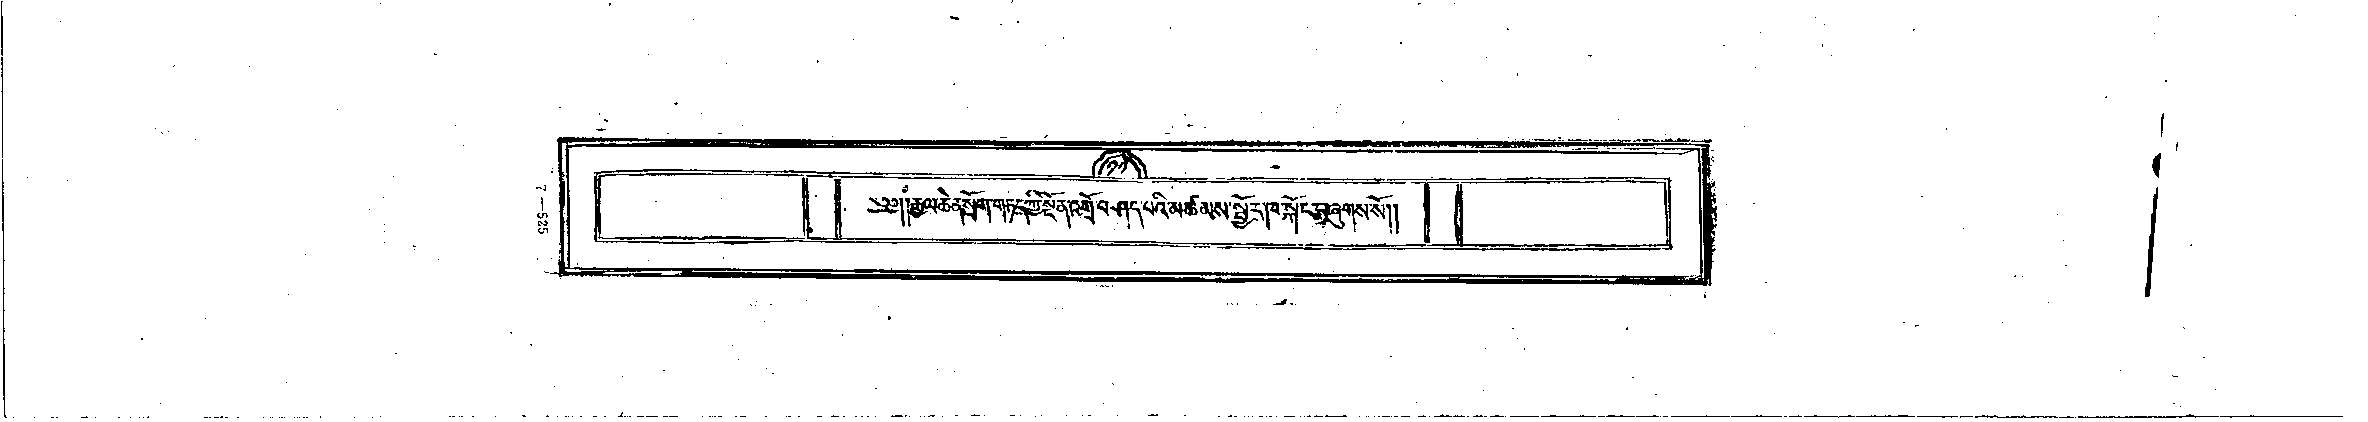༄༅། །རྒྱལ་ཆེན་སྲོག་གཏད་ཀྱི་སྔོན་འགྲོ་བཤད་པའི་མཚམས་སྦྱོར་ཁ་སྐོང་བཞུགས་སོ།།